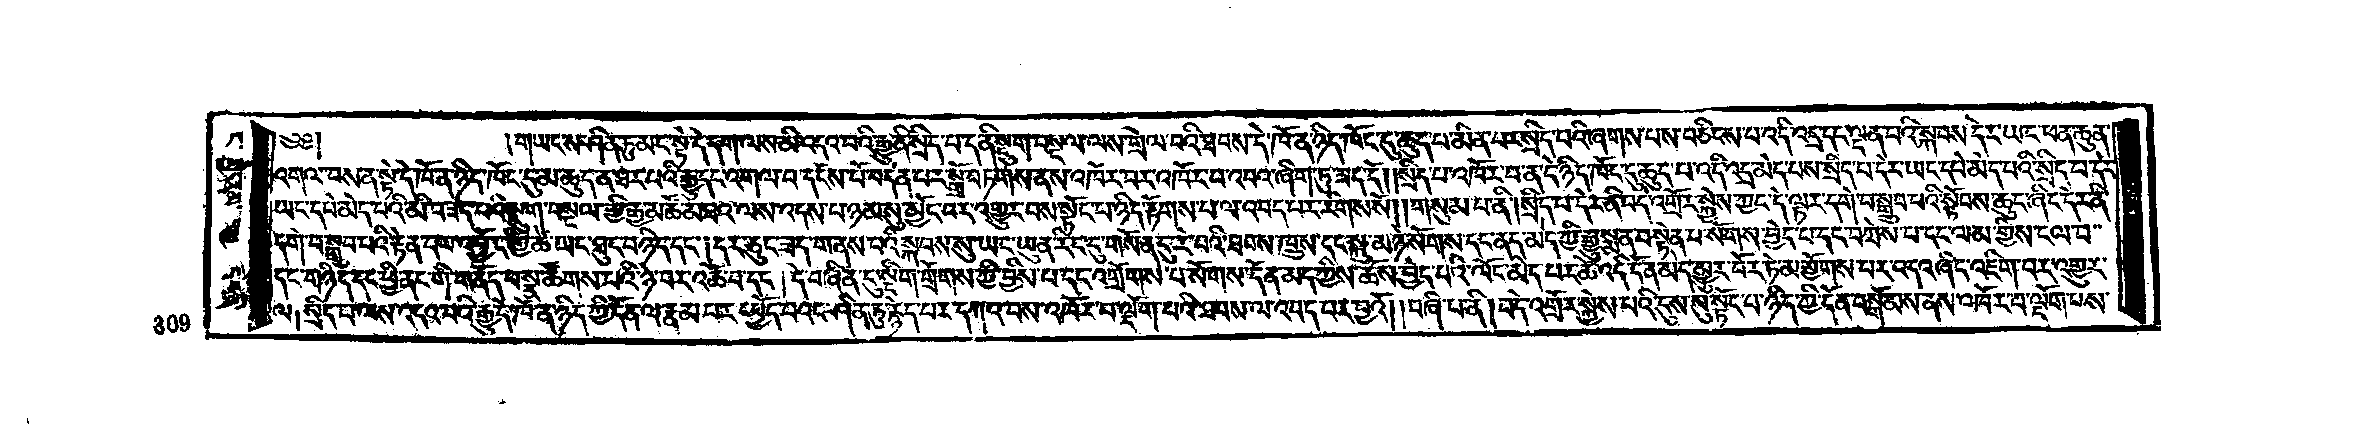༄༅། །གཡང་ས་ཤིན་ཏུ་མང་སྟེ་དེ་དག་ལས་མི་འདའ་བའི་རྒྱུ་ནི་སྲིད་པ་དེ་ནི་སྡུག་བསྔལ་ལས་གྲོལ་བའི་ཐབས་དེ་ཁོ་ན་ཉིད་ཁོང་དུ་ཆུད་པ་མིན་པར་སྲིད་པའི་ཞགས་པས་བཅིངས་པ་འདི་འདྲ་དང་ལྡན་པའི་སྐབས་དེར་ཡང་ཕན་ཚུན་
འགལ་བས་ན་སྟེ་དེ་ཁོ་ན་ཉིད་ཁོང་དུ་མ་ཆུད་ན་ཐར་པའི་རྒྱུ་དང་འགལ་བ་དངོས་པོ་བདེན་པར་སྒྲོ་བཏགས་ནས་འཁོར་བར་འཁོར་བ་འབའ་ཞིག་ཏུ་ཟད་དོ། །སྲིད་པ་འཁོར་བ་ན་དེ་ཉིད་ཁོང་དུ་ཆུད་པ་འདི་འདྲ་མེད་པས་སྲིད་པ་དེར་ཡང་དཔེ་མེད་པའི་སྲིད་པ་དེར་
ཡང་དཔེ་མེད་པའི་མི་བཟད་པའི་སྡུག་བསྔལ་གྱི་རྒྱ་མཚོ་མཐའ་ལས་འདས་པ་ཉམས་སུ་མྱོང་བར་འགྱུར་བས་སྟོང་པ་ཉིད་རྟོགས་པ་ལ་འབད་པར་རིགས་སོ། །གསུམ་པ་ནི། སྲིད་པ་དེར་ནི་བདེ་འགྲོར་སྐྱེས་ཀྱང་དེ་ལྟར་དགེ་བ་སྒྲུབ་པའི་སྟོབས་ཆུང་ཞིང་དེར་ནི་
དགེ་བ་སྒྲུབ་པའི་རྟེན་དལ་འབྱོར་གྱི་ཚེ་ཡང་ཐུང་བ་ཉིད་དང་། དར་ཅུང་ཟད་གནས་པའི་སྐབས་སུ་ཡང་ཡུན་རིང་དུ་གསོན་དུ་རེ་བའི་ཐབས་ཁྲུས་དང་སྐུ་མཉེ་སོགས་དང་ནད་མེད་ཀྱི་རྒྱུ་སྨན་བསྟེན་པ་སོགས་བྱེད་པ་དང་བཀྲེས་པ་དང་ལམ་གྱིས་ངལ་བ་
དང་གཉིད་དང་ཕྱི་ནང་གི་གནོད་པ་སྣ་ཚོགས་པའི་ཉེ་བར་འཚོ་བ་དང་། དེ་བཞིན་དུ་སྡིག་གྲོགས་ཀྱི་བྱིས་པ་དང་འགྲོགས་པ་སོགས་དོན་མེད་ཀྱིས་ཆོས་བྱེད་པའི་ལོང་མིད་པར་ཚེ་འདི་དོན་མེད་མྱུར་བོར་ཏེ་མགྱོགས་པར་འདའ་ཞིང་འཇིག་པར་འགྱུར་
ལ༑ སྲིད་པ་ལས་འདའ་བའི་རྒྱུ་དེ་ཁོ་ན་ཉིད་ཀྱི་དོན་ལ་རྣམ་པར་དཔྱོད་པའང་ཤིན་ཏུ་རྙེད་པར་དཀའ་བས་འཁོར་བ་ལྡོག་པའི་ཐབས་ལ་འབད་པར་བྱའོ། །བཞི་པ་ནི། བདེ་འགྲོར་སྐྱེས་པའི་དུས་སུ་སྟོང་པ་ཉིད་ཀྱི་དོན་བསྒོམས་ནས་འཁོར་བ་ལྡོག་པས་